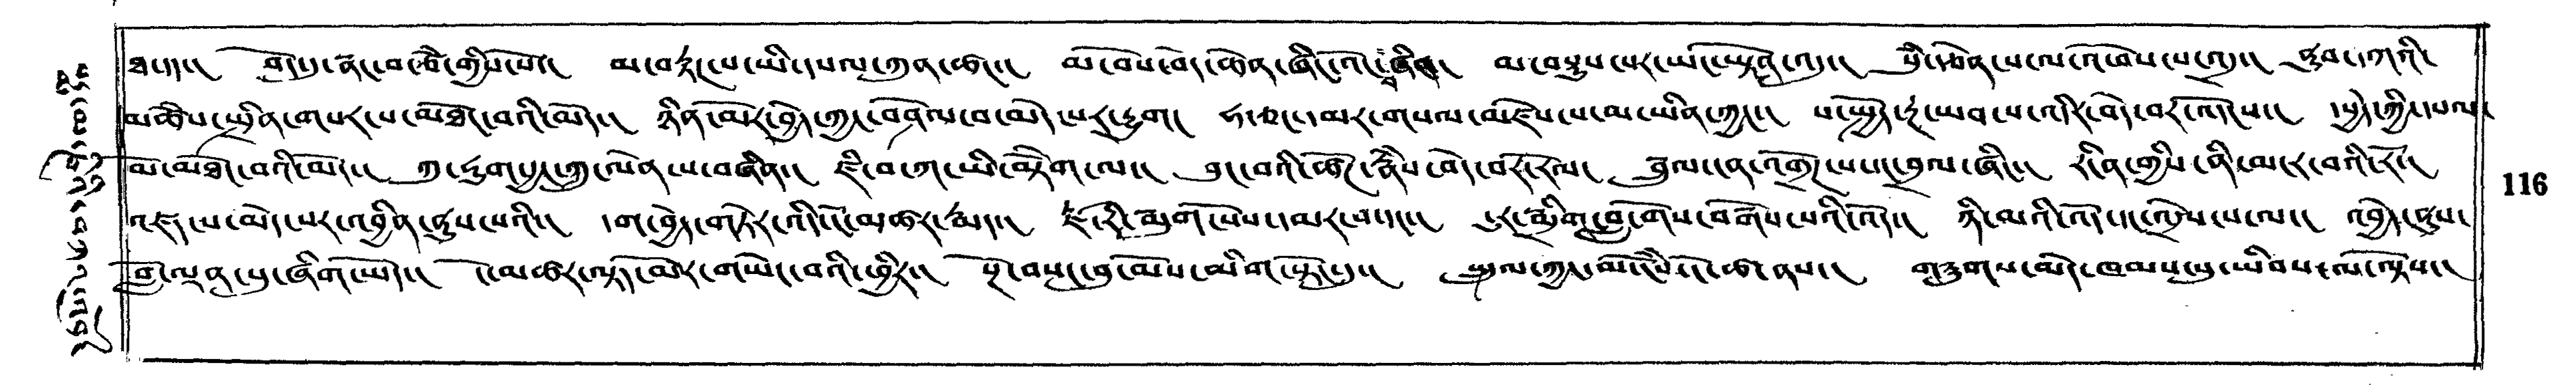ཐ་དད། །བོད་དུ་སྣང་བ་ཙམ་གྱིས་སོ། །མ་བརྟགས་པ་ཡི་དཔལ་ཀུན་ཚང་། །མ་བོས་བདེ་ཆེན་ཞིང་འོང་བཞིན། །མ་བསྡུས་པར་ཡང་ཡོན་ཏན་འདུ། །སུམ་རྩེན་ས་ལ་འཕོས་པ་འདྲ། །ནུབ་ཁའི་
མཚམས་སྤྲིན་གསར་པ་མཐོང་བའི་མོད། །ཉིན་མོར་བྱེད་ཀྱང་བཤོལ་བ་མེད་པར་རྒྱུག །ཧ་ཅང་དམར་གསལ་མཛེས་པ་མ་ཡིན་ཡང་། །ས་སྤྱོད་རྔ་ཡབ་ས་འདིར་བདེ་བར་འདོངས། །དཔྱིད་ཀྱི་དཔལ་
མོ་མཐོང་བའི་མོད། །ཀུ་ཧུའི་རྒྱང་ཀླུ་ལེན་པ་བཞིན། །ཛི་བ་ཀ་ཡི་མེ་ཏོག་ལ། །བུང་བའི་ཚོགས་རྣམས་བདེ་བར་རོལ། །སྦྲུལ་ངན་འགྲོགས་པ་དང་བྲལ་ཞིང་། །རང་བཞིན་གྱིས་ནི་མངར་བའི་རོ། །
འཛད་པ་མེད་པར་འབྱིན་ནུས་པའི། །དག་བྱེད་གཏེར་འདི་ངོ་མཚར་རྨད། །རྫ་རི་སྨུག་པོས་དམར་བ་དང་། །ངུར་སྨྲིག་བླ་གོས་བསྒོས་པའི་འོད། །ཉི་མའི་འོད་དང་འདྲེས་པ་ལ། །འབྱེད་ནུས་
བློ་ལྡན་སུ་ཞིག་ཡོད། །ངོ་མཚར་ལྟད་མོར་གཡེང་བའི་ཕྱིར། །སྔོ་བསངས་བུ་མོས་མིག་སྟོང་དུ། །སྤྲུལ་ཀྱང་མ་ངོམས་ངོ་ཚ་ནས། །གཟུགས་མེད་ཁམས་སུ་ཡིབས་ལ་ལྟོས།